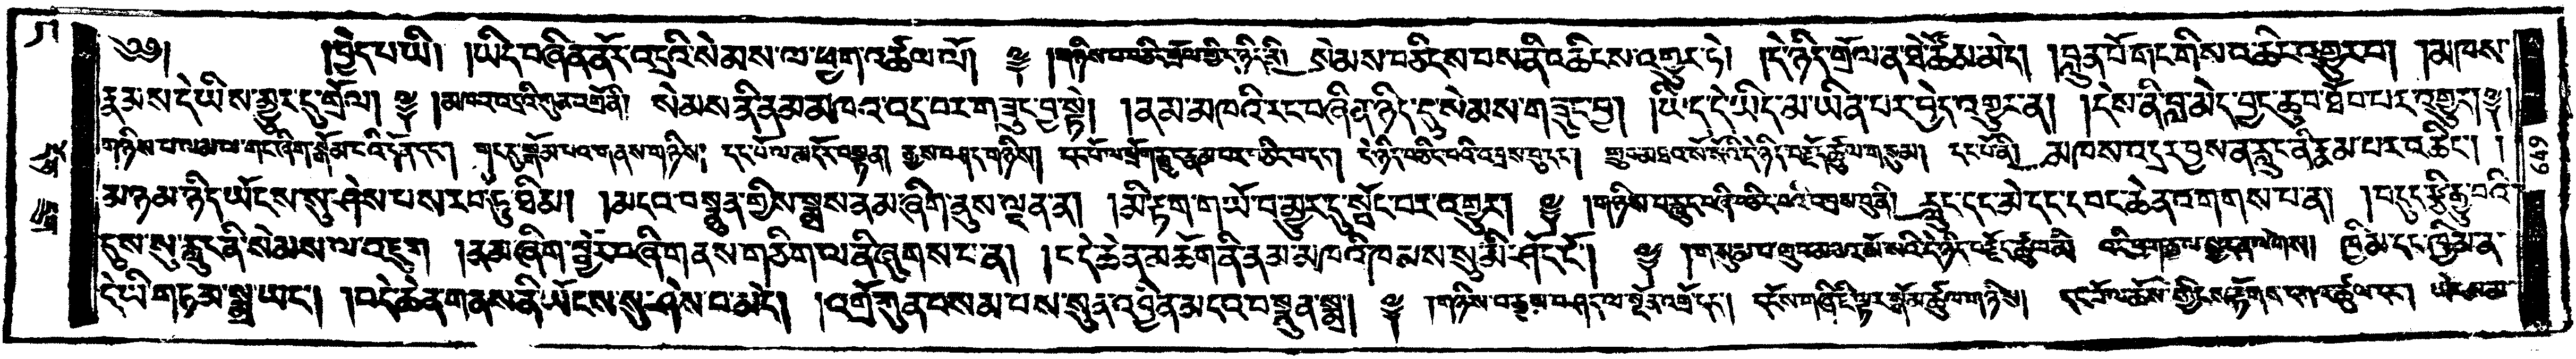༄༅། །བྱེད་པ་ཡི། །ཡིད་བཞིན་ནོར་འདྲའི་སེམས་ལ་ཕྱག་འཚལ་ལོ། ༈ །གཉིས་པ་བཅི་གྲོལ་གྱི་དེ་ཉིད་ནི། སེམས་བཅིངས་བས་ནི་འཆིངས་འགྱུར་ཏེ། །དེ་ཉིད་གྲོལ་ན་ཐེ་ཚོམ་མེད། །བླུན་པོ་གང་གིས་འཆིང་འགྱུར་བ། །མཁས་
རྣམས་དེ་ཡིས་མྱུར་དུ་གྲོལ། ༈ །མཁའ་འདྲའི་ཀུན་འགྲོ་ནི། སེམས་ནི་ནམ་མཁའ་འདྲ་བར་གཟུང་བྱ་སྟེ། །ནམ་མཁའི་རང་བཞིན་ཉིད་དུ་སེམས་གཟུང་བྱ། །ཡིད་དེ་ཡིད་མ་ཡིན་པར་བྱེད་འགྱུར་ན། །དེས་ནི་བླ་མེད་བྱང་ཆུབ་ཐོབ་པར་འགྱུར། ༈ །
གཉིས་བ་ལམ་ལ་གང་ཞིག་སྒོམ་པའི་དོན་དང་། གང་དུ་སྒོམ་པཱ་གནས་གཉིས། དང་པོ་ལ་མདོར་བསྟན། རྒྱས་བཤད་གཉིས། དང་པོ་ལ་སྲོག་རླུང་རྣམ་པར་བཅིང་བ་དང་། དེ་ཉིད་བཅིང་བའི་འབྲས་བུ་དང་། གྲུབ་མཐའ་སོ་སོའི་དེ་ཉིད་བརྗོད་ཚུལ་གསུམ། དང་པོ་ནི། མཁས་འདྲར་བྱས་ན་རླུང་ནི་རྣམ་པར་འཆིང་། །
པ་ཉན་ཉིད་ཡོངས་སུ་ཤེས་པས་རབ་ཏུ་ཐིམ། །མདའ་བསྣུན་གྱིས་སྨྲས་ནམ་ཞིག་ནུས་ལྡན་ན། །མི་རྟག་གཡོ་བ་མྱུར་དུ་སྦོང་བར་འགྱུར། ༈ །གཉིས་པ་རླུང་བཞི་བཅིང་བའི་འབྲས་བུ་ནི། རླུང་དང་མེ་དང་དབང་ཆེན་འགགས་པ་ན། བདུད་རྩི་རྒྱུ་བའི་
རྩ་རྒྱུད་?ཆུང་ནི་སེམས་ལ་འཇུག །ནམ་ཞིག་སྦྱོར་བཞི་གནས་གཅིག་ལ་ནི་ཞུགས་པ་ན། །བདེ་ཆེན་མཆོག་ནི་ནམ་མཁའི་ཁམས་སུ་མི་ཤོང་ངོ། ༈ །གསུམ་པ་གྲུབ་མཐའ་སོ་སོའི་དེ་ཉིད་བརྗོད་ཚུལ་ནི། འདི་ཕྱག་རྒྱ་པ་སྐྱར་ན་ལེགས། ཁྱིམ་དང་ཁྱིམ་ན་
དེ་ཡི་གཏམ་སྨྲ་ཡང་། །བདེ་ཆེན་གནས་ནི་ཡོངས་སུ་ཤས་པ་མེད། །འགྲོ་ཀུན་བསམ་པས་སུན་འབྱིན་མངའ་བསྣུན་སྨྲ། ༈ །གཉིས་པ་རྒྱས་བཤད་ལ་སྔོན་འགྲོ་དང་། དངོས་གཞི་ཇི་ལྟར་སྒོམ་ཚུལ་གཉིས། དང་པོ་ལ་ཆོས་དབྱིངས་རྟོགས་དཀའ་ཚུལ་དང་། ཡེངས་མ་